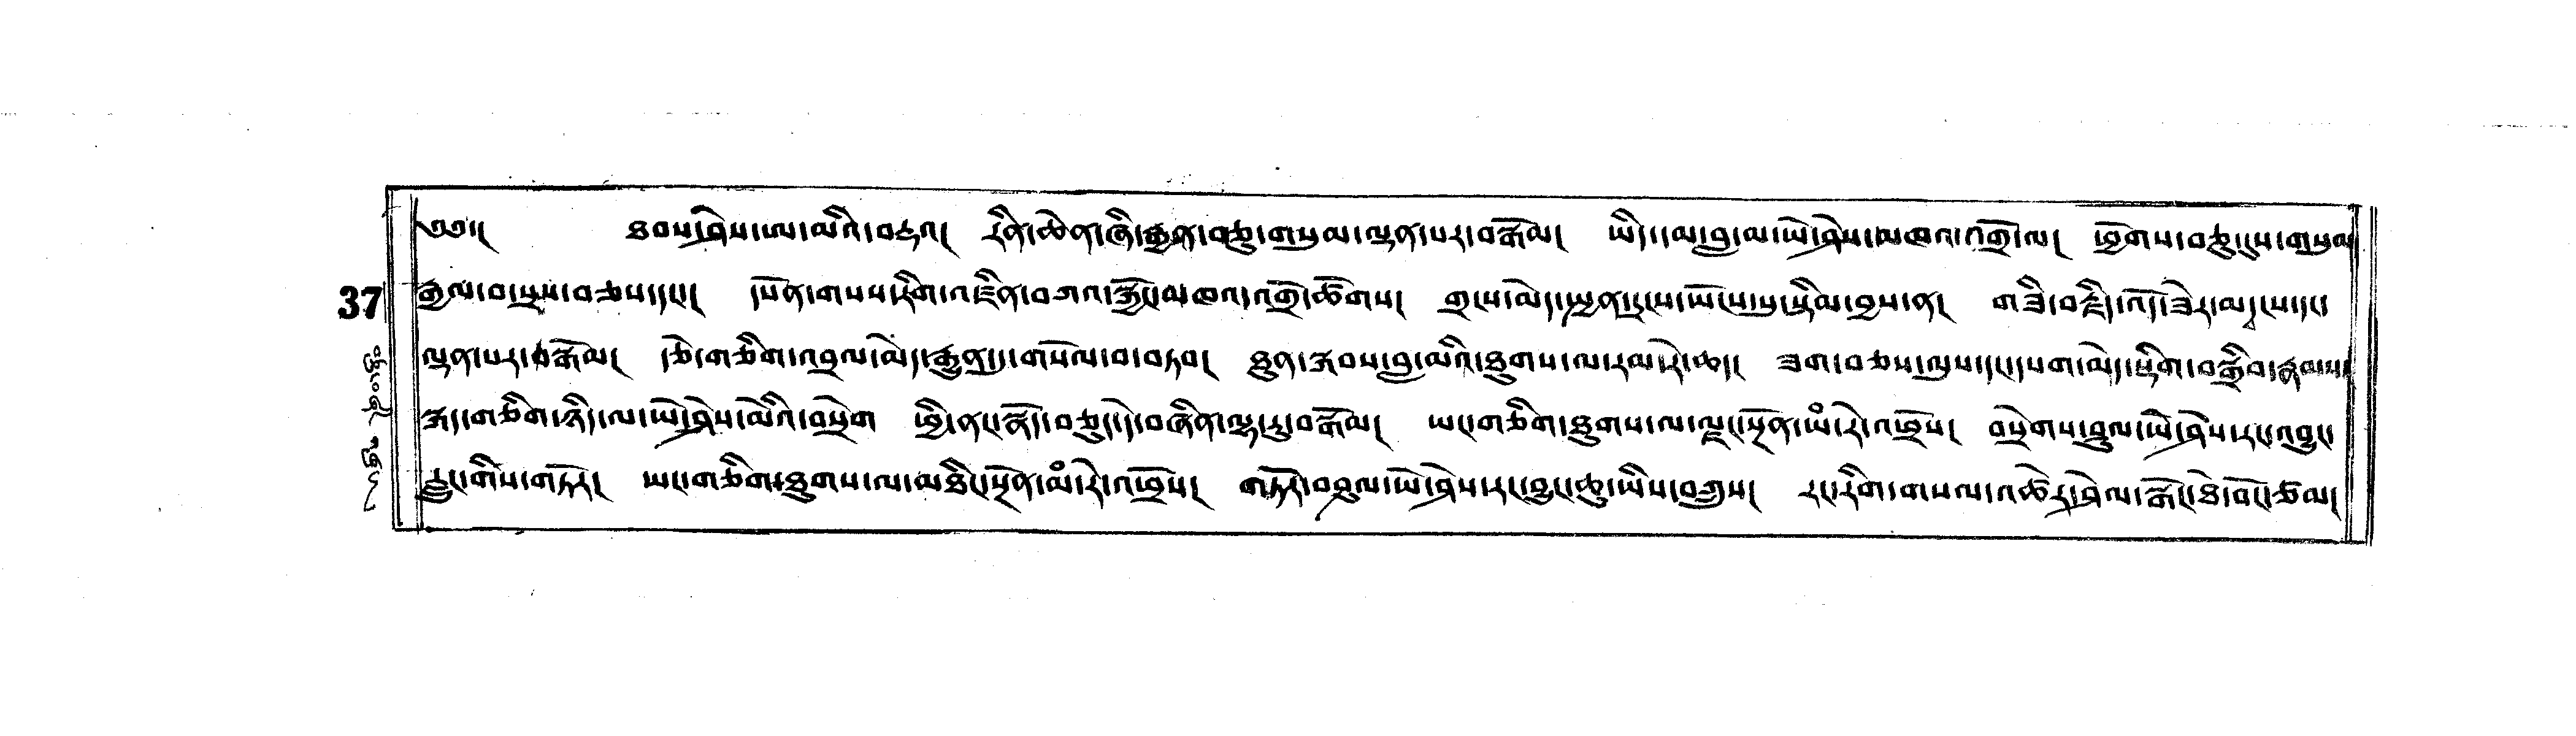ཐབས་ཤེས་ཨ་མའི་བརྡ། རིན་ཆེན་ཞི་རྒྱན་བཅུ་གསུམ་ལྡན་པར་བསྒོམ། ཡི་དམ་བླ་མ་ཡེ་ཤེས་མཁའ་འགྲོ་ལ། ཕྱོགས་བཅུ་དུས་གསུམ་
རྒྱལ་བ་སྲས་དང་བཅས། དཔོན་གསས་རིག་འཛིན་བཀའ་སྐྱོང་མཁའ་འགྲོའི་ཚོགས། གྲངས་མེད་སྤྱན་དྲངས་ཡོངས་སུ་བསྟིམ་བྱས་ན། གཟི་བརྗིད་འོད་ཟེར་མདངས་དང་
ལྡན་པར་བསྒོམ། རྩེ་གཅིག་འབྲལ་མེད་རྒྱུན་དུ་གསོལ་བ་བཏབ། ཐུན་སྐབས་བླ་མའི་ཐུགས་ལ་རམ་རེ་ཆད། ཟག་བཅས་ལུས་དང་དཔག་མེད་སྡིག་སྒྲིབ་རྣམས། 
སྐད་ཅིག་ཉིད་ལ་ཡེ་ཤེས་མེ་ཡིས་བསྲེགས། ཕྱི་ནང་སྣོད་བཅུད་དེ་བཞིན་ལྷ་རུ་བསྒོམ། ཡང་གཅིག་ཐུགས་ལ་ལྗང་སྔོན་ཡཾ་རེ་འཕྲོས། སྲེག་ཤུལ་ཡེ་ཤེས་རང་འབྱུང་
རླུང་གིས་གཏོར། ཡང་གཅིག་ཐུགས་ལ་མཐིང་སྔོན་མཾ་རེ་འཕྲོས། གཏོར་ཤུལ་ཡེ་ཤེས་རང་འབྱུང་ཆུ་ཡིས་བཀྲུས། རང་རིག་གསལ་འཚེར་ཤེལ་སྒོང་མཐེ་བོང་ཙམ།